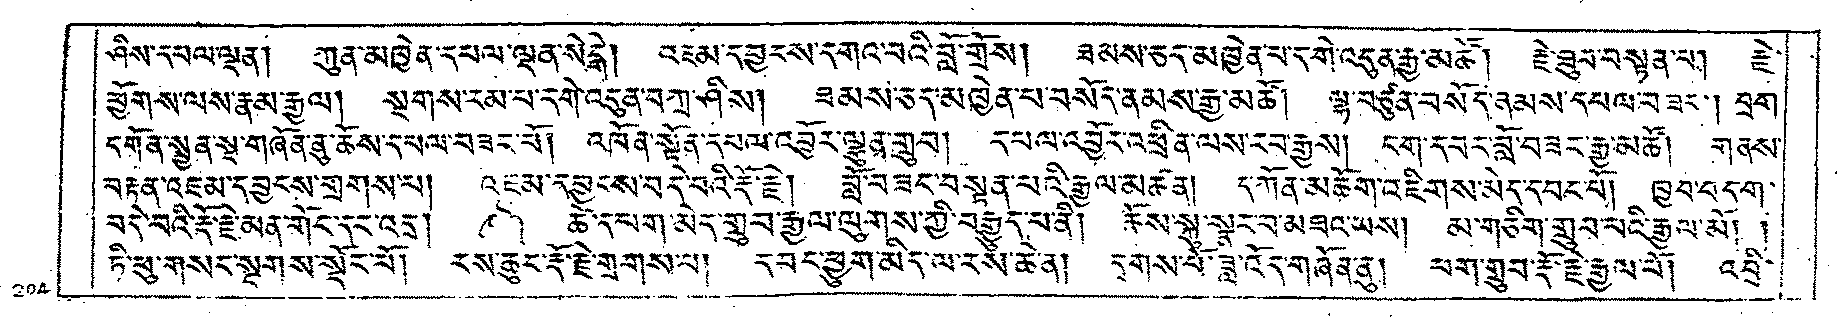ཤིས་དཔལ་ལྡན། ཀུན་མཁྱེན་དཔལ་ལྡན་སེངྒེ། འཇམ་དབྱངས་དགའ་བའི་བློ་གྲོས། ཐམས་ཅད་མཁྱེན་པ་དགེ་འདུན་རྒྱ་མཚོ། རྗེ་ཐུབ་བསྟན་པ། རྗེ་
ཕྱོགས་ལས་རྣམ་རྒྱལ། སྔགས་རམ་པ་དགེ་འདུན་བཀྲ་ཤིས། ཐམས་ཅད་མཁྱེན་པ་བསོད་ནམས་རྒྱ་མཚོ། ལྷ་བཙུན་བསོད་ནམས་དཔལ་བཟང་། བྲག་
དགོན་སྤྱན་སྔ་གཞོན་ནུ་ཆོས་དཔལ་བཟང་པོ། འཁོན་སྟོན་དཔལ་འབྱོར་ལྷུན་གྲུབ། དཔལ་འབྱོར་འཕྲིན་ལས་རབ་རྒྱས། ངག་དབང་བློ་བཟང་རྒྱ་མཚོ། གནས་
བརྟན་འཇམ་དབྱངས་གྲགས་པ། འཇམ་དབྱངས་བདེ་བའི་རྡོ་རྗེ། བློ་བཟང་བསྟན་པའི་རྒྱལ་མཚན། དཀོན་མཆོག་འཇིགས་མེད་དབང་པོ། ཁྱབ་བདག་
བདེ་བའི་རྡོ་རྗེ་མན་གོང་དང་འདྲ། ༩?་ཚེ་དཔག་མེད་གྲུབ་རྒྱལ་ལུགས་ཀྱི་བརྒྱུད་པ་ནི། ཆོས་སྐུ་སྣང་བ་མཐའ་ཡས། མ་གཅིག་གྲུབ་པའི་རྒྱལ་མོ། །
ཏི་ཕུ་གསང་སྔགས་སྡོང་པོ། རས་ཆུང་རྡོ་རྗེ་གྲགས་པ། དབང་ཕྱུག་མིད་ལ་རས་ཆེན། དྭགས་པོ་ཟླ་འོད་གཞོན་ནུ། ཕག་གྲུབ་རྡོ་རྗེ་རྒྱལ་པོ། འབྲི་